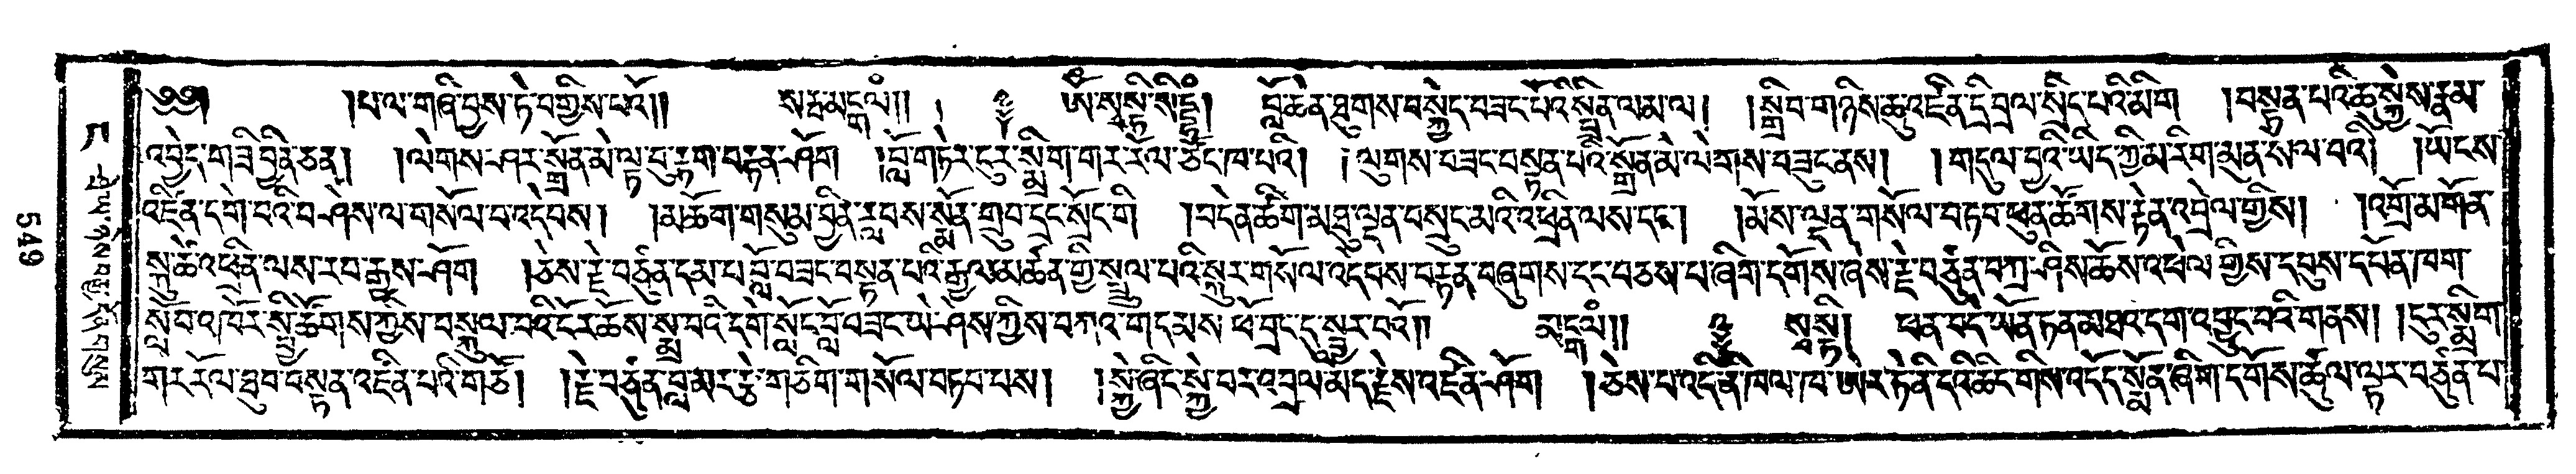༄༅། །པ་ལ་གཞི་བྱས་ཏེ་བགྱིས་པའོ།། སརྦ་མངྒལཾ།། ༈ ཨོཾ་སྭསྟི་སིདྡྷཾ། བློ་ཆེན་ཐུགས་བསྐྱེད་བཟང་པོའི་སྤྲོན་ལམ་ལ། །སྒྲིབ་གཉིས་ཆུ་འཛིན་དྲི་བྲལ་སྲིད་པའི་མིག །བསྟན་པའི་ཆུ་སྐྱེས་རྣམ་
འབྱེད་གཟི་བྱིན་ཅན། །ལེགས་ཤར་སྒྲོན་མེ་ལྟ་བུ་རྟག་བརྟན་ཤོག །བློ་གཏེར་དུར་སྨྲིག་གར་རོལ་ཙོང་ཁ་པའི། །ལུགས་བཟང་བསྟན་པའི་སྒྲོན་མེ་ལེགས་བཟུང་ནས། །གདུལ་བྱའི་ཡིད་ཀྱི་མ་རིག་མུན་སེལ་བའི། །ཡོངས་
འཛིན་དགེ་བའི་བཤེས་ལ་གསོལ་བ་འདེབས། །མཆོག་གསུམ་བྱིན་རླབས་སྨོན་གྲུབ་དྲང་སྲོང་གི །བདེན་ཚིག་མཐུ་ལྡན་བསྲུང་མའི་འཕྲིན་ལས་དང་། །མོས་ལྡན་གསོལ་བཏབ་ཕུན་ཚོགས་རྟེན་འབྲེལ་གྱིས། །འགྲོ་མགོན་
སྐུ་ཚེ་འཕྲིན་ལས་རབ་རྒྱས་ཤོག །ཅེས་རྗེ་བཙུན་དམ་པ་བློ་བཟང་བསྟན་པའི་རྒྱལ་མཚན་གྱི་སྤྲུལ་པའི་སྐུར་གསོལ་འདེབས་བརྟན་བཞུགས་དང་བཅས་པ་ཞིག་དགོས་ཞེས་རྗེ་བཙུན་བཀྲ་ཤིས་ཆོས་འཕེལ་གྱིས་དབུས་དཔོན་ཁག་
སློབ་འཁོར་སྤྱི་ཚོགས་ཀྱིས་བསྐུལ་བའི་ངོར་ཆོས་སྨྲ་བའི་དགེ་སློང་བློ་བཟང་ཡེ་ཤེས་ཀྱིས་བཀའ་གདམས་ཕོ་བྲང་དུ་སྦྱར་བའོ།། མངྒལཾ།། ༈ སྭསྟི། ཕན་བདེ་ཡོན་ཏན་མཐའ་དག་འབྱུང་བའི་གནས། །དུར་སྨྲིག་
གར་རོལ་ཐུབ་བསྟན་འཛིན་པའི་གཙོ། །རྗེ་བཙུན་བླ་མར་རྩེ་གཅིག་གསོལ་བཏབ་པས། །སྐྱེ་ཞིང་སྐྱེ་བར་འབྲལ་མད་རྗེས་འཛིན་ཤོག །ཅེས་པ་འདི་ནི་ཁལ་ཁ་ཨེར་ཏེ་ནི་དའི་ཆིང་གིས་འདོད་སྨོན་ཞིག་དགོས་ཚུལ་ལྟར་བཙུན་པ་